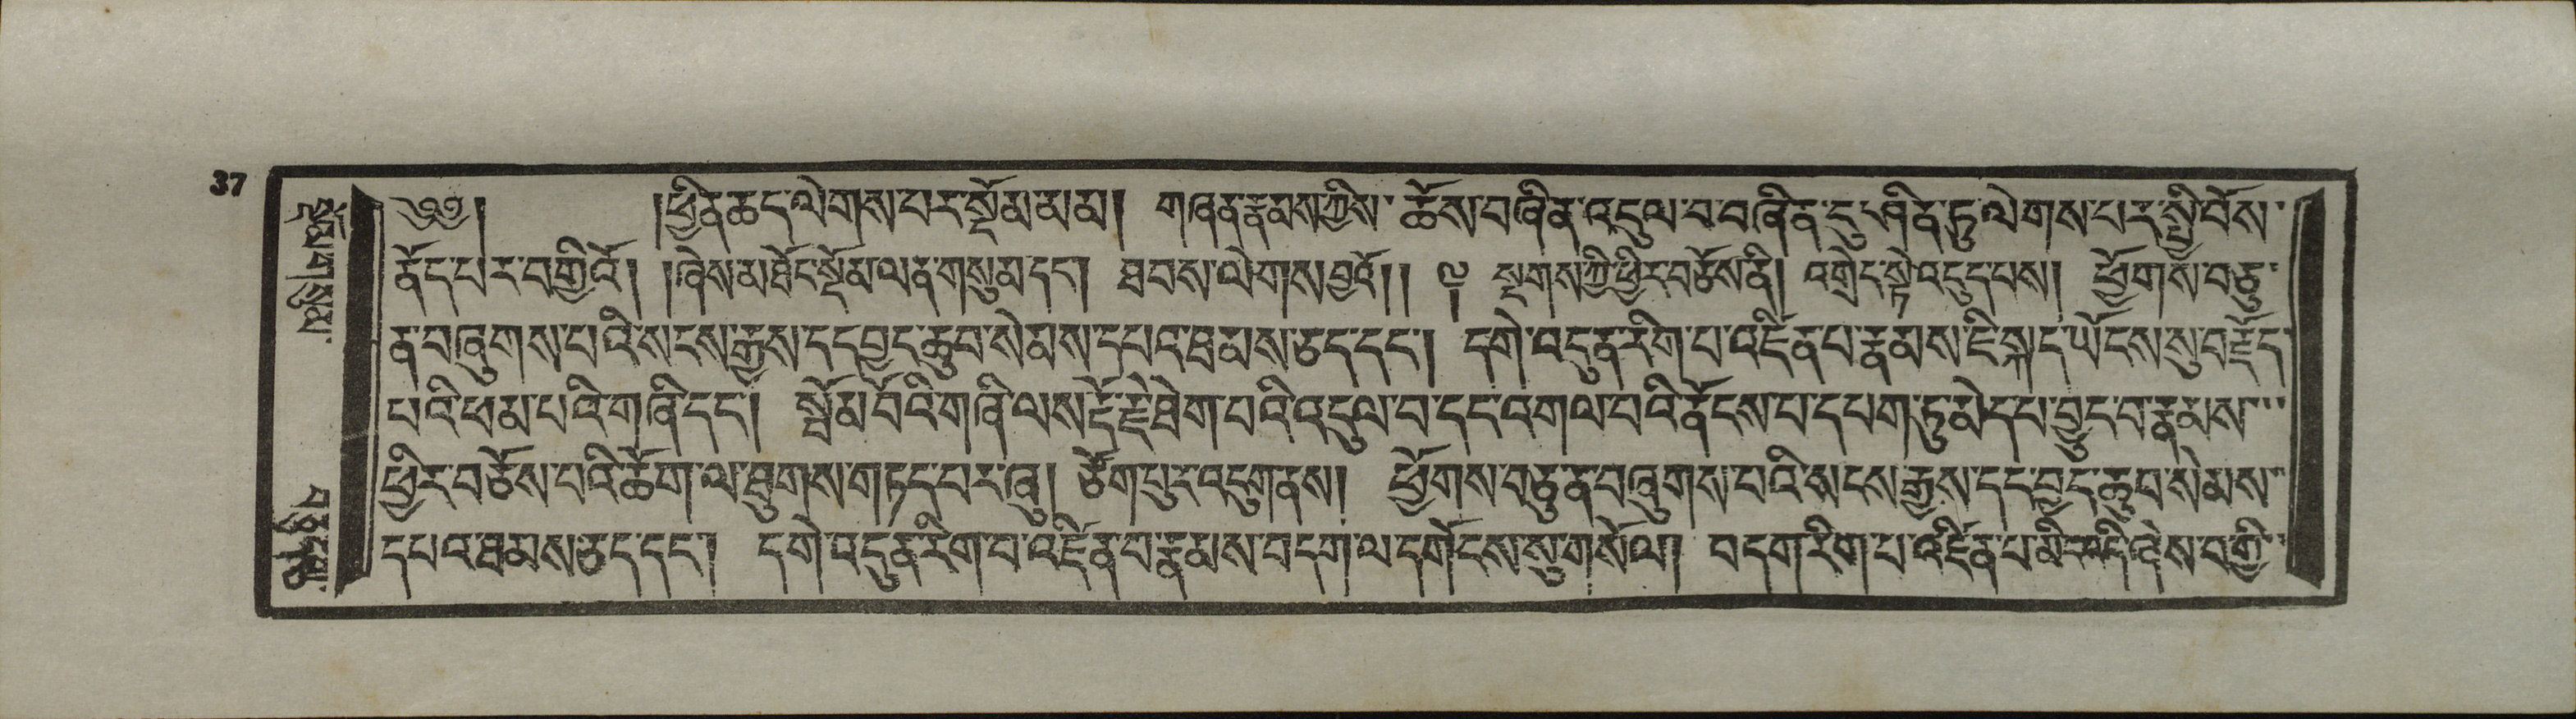༄༅། །ཕྱིན་ཆད་ལེགས་པར་སྡོམ་མམ། གཞན་རྣམས་ཀྱིས་ཆོས་བཞིན་འདུལ་བ་བཞིན་དུ་ཤིན་ཏུ་ལེགས་པར་སྤྱི་བོས་
ནོད་པར་བགྱིའོ། །ཞེས་མཐོང་སྡོམ་ལན་གསུམ་དང་།  ཐབས་ལེགས་བྱའོ། ། ༈ སྔགས་ཀྱི་ཕྱིར་བཅོས་ནི། འགྲེང་སྟེ་འདུད་པས།  ཕྱོགས་བཅུ་
ན་བཞུགས་པའི་སངས་རྒྱས་དང་བྱང་ཆུབ་སེམས་དཔའ་ཐམས་ཅད་དང་། དགེ་འདུན་རིག་པ་འཛིན་པ་རྣམས་ཇི་སྐད་ཡོངས་སུ་བརྗོད་
པའི་ཕམ་པའི་གཞི་དང་། སྦོམ་པོའི་གཞི་ལས་རྡོ་རྗེ་ཐེག་པའི་འདུལ་བ་དང་འགལ་བའི་ནོངས་པ་དཔག་ཏུ་མེད་པ་བྱུང་བ་རྣམས་
ཕྱིར་བཅོས་པའི་ཆོ་ག་ལ་ཐུགས་གཏད་པར་ཞུ། ཙོག་པུར་འདུག་ནས། ཕྱོགས་བཅུ་ན་བཞུགས་པའི་སངས་རྒྱས་དང་བྱང་ཆུབ་སེམས་
དཔའ་ཐམས་ཅད་དང་། དགེ་འདུན་རིག་པ་འཛིན་པ་རྣམས་བདག་ལ་དགོངས་སུ་གསོལ། བདག་རིག་པ་འཛིན་པ་མི་འདི་ཞེས་བགྱི་